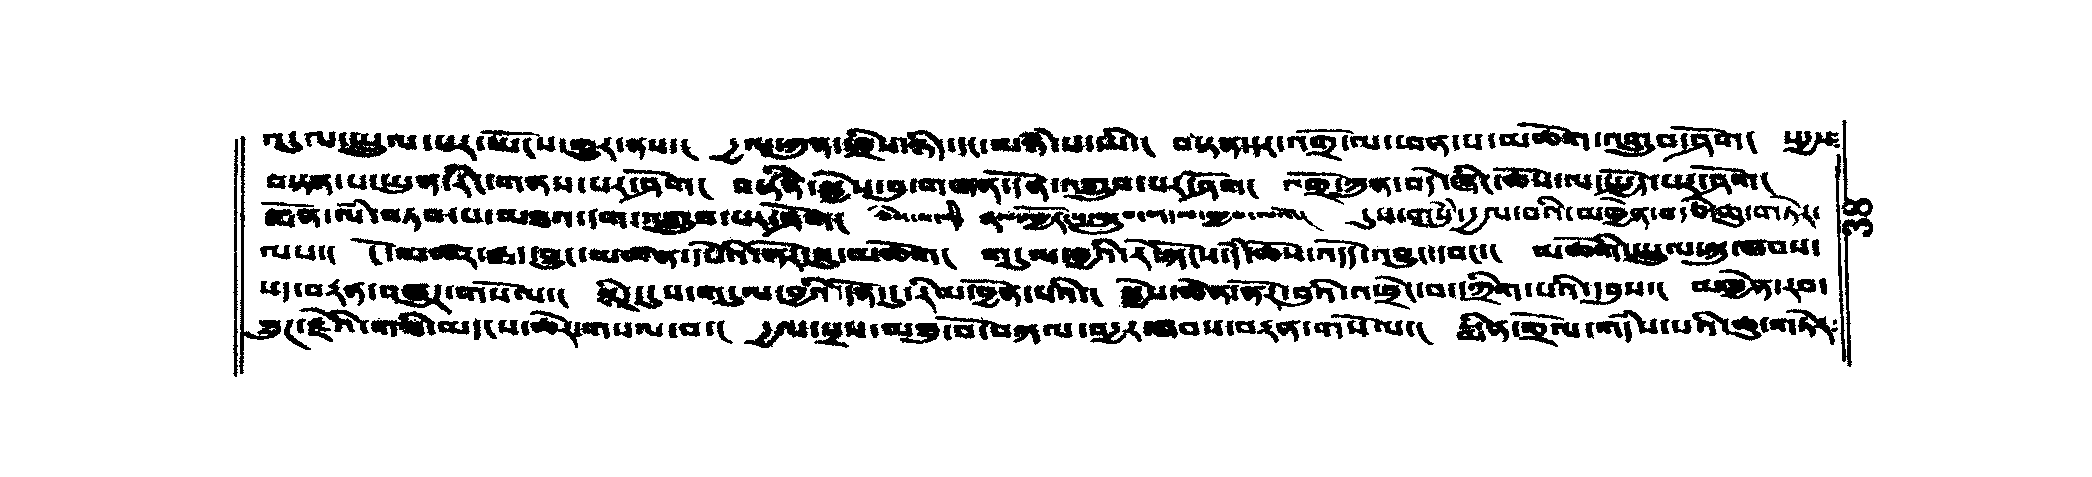འདུལ་སྤྲུལ་པར་ཡོངས་གྱུར་ནས། །རྒྱལ་ཀུན་ཕྲིན་ལས་ཉིད་དང་མཉམ་པ་ཡི། །བསྟན་དར་འགྲོ་ལ་ཕན་པ་མཆོག་འགྲུབ་ཤོག །སངས་རྒྱས་
བསྟན་པ་ཡུན་རིང་གནས་པར་ཤོག །བསྟན་འཛིན་སྐྱེས་བུ་གཞན་དོན་འགྲུབ་པར་ཤོག།འགྲོ་ཀུན་བདེ་ཞིང་ཆོས་ལ་སྤྱོད་པར་ཤོག །
སྨོན་ལམ་བཏབ་པ་མཐའ་དག་འགྲུབ་པར་ཤོག ཅེས་པ་འདི་ནི་རྣལ་འབྱོར་པ་ལྷུན་གྲུབ་བརྡ་ལ་ཁྱབ་ལའོ།། དུས་གསུམ་རྒྱལ་བའི་མཁྱེན་བརྩེ་ཆུ་གཏེར་
ལས། །ངོ་མཚར་རྨད་བྱུང་མཚན་དཔེའི་ནོར་བུ་མཆོག །གདུལ་བྱའི་རེ་སྐོངས་དམ་ཆོས་འདོད་འབྱུང་དབང་། །མཆོག་གི་སྤྲུལ་སྐུའི་ཞབས་
པད་བརྟན་བཞུགས་གསོལ། །སྙིགས་དུས་གདུལ་བྱའི་དོན་དུ་རིམ་བྱོན་པའི། །སྐྱེས་ཆེན་ནོར་བུའི་འཕྲེང་བ་དཀྲིགས་པའི་དབུས། །མཁྱེན་རབ་
ཐུགས་རྗེའི་གཟི་མདངས་ཆེར་གསལ་བ། །རྒྱལ་སྲས་མཐུ་བོ་བསྐལ་བརྒྱར་ཞབས་བརྟན་གསོལ། །སྨིན་གྲོལ་གདམས་པའི་ཆུ་གཏེར་